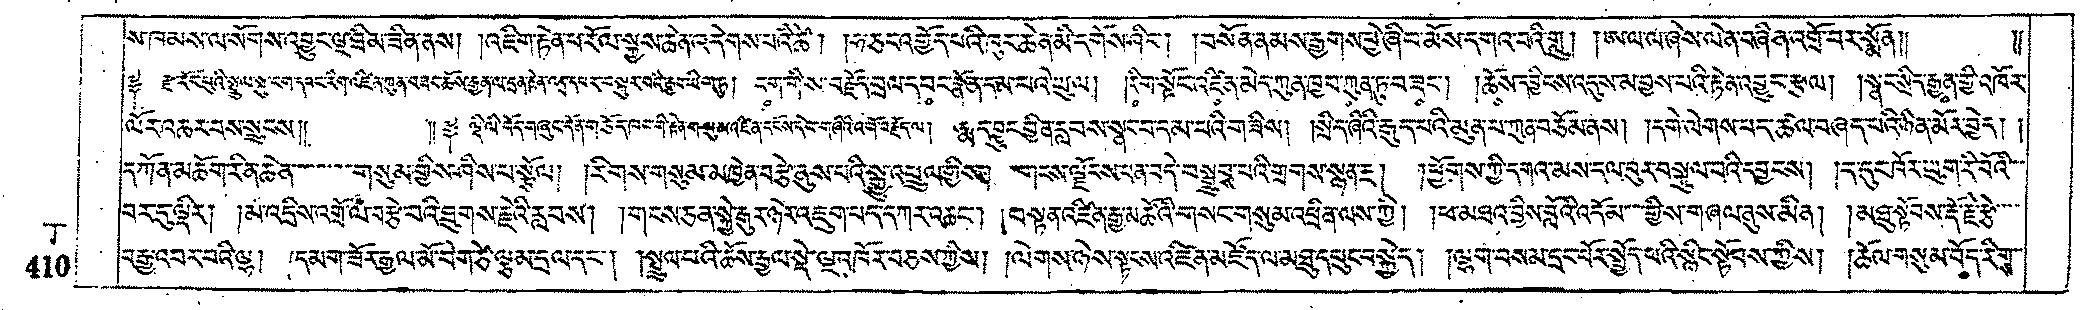ས་ཁམས་ལ་སོགས་འབྱུང་ལྔ་ཐིམ་ཟིན་ནས། །འཇིག་རྟེན་ཕ་རོལ་སྐྱས་ཆེན་འདེགས་པའི་ཚེ། །ཧ་ཅང་འགྱོད་པའི་ཁུར་ཆེན་མི་དགོས་ཤིང་། །བསོན་ནམས་རྒྱགས་ཕྱེ་ཞིབ་མོས་དགའ་བའི་གླུ། །ཨ་ལ་ལ་ཞེས་ལེན་བཞིན་འགྲོ་བར་སྨོན།། །།
འ་རྫ་རོང་ཕུའི་སྤྲུལ་སྐུ་ངག་དབང་རིག་འཛིན་ཀུན་བཟང་ཆོས་རྒྱན་ལ་དྲན་རྟེན་འདྲ་དཔར་བསྐུར་བའི་རྒྱབ་ཡིག་ཏུ།  ངག྾་གིས་བརྗོད་བྲལ་དབང྾་རྣོན་དམ་པའི་ཡུལ། །རིག྾་སྟོང་འཛིན྾་མེད་ཀུན་ཁྱབ་ཀུན྾་ཏུ་བཟང྾། །ཆོས྾་དབྱིངས་འདུས་མ་བྱས་པའི་རྟེན་འབྱུང་རྩལ། །སྣང་སྲིད་རྒྱན྾་གྱི་འཁོར་
ལོར་འཆར་བས་སྲུངས།། །།འ་ལྡི་ལི་བོད་གཞུང་དོན་གཅོད་ཁང་གི་རྟེན་གསུམ་འཛིན་དངོས་དེབ་གཞིའི་འགོ་བརྗོད་ལ།  རྨད་བྱུང་བྱིན་རླབས་སྣང་བ་དམ་པའི་གཟིས། །སྲིད་ཞིའི་རྒུད་པའི་མུན་པ་ཀུན་བཅོམ་ནས། །དགེ་ལེགས་པད་ཚལ་བཞད་པའི་ཉིན་མོར་བྱེད། །
དཀོན་མཆོག་རིན་ཆེན་་་གསུམ་གྱིས་ཤིས་པ་སྩོལ། །རིགས་གསུམ་མཁྱེན་བརྩེ་ནུས་པའི་སྒྱུ་འཕྲུལ་གྱིས། གངས་ལྗོངས་ཕན་བདེ་བསྒྲུབས་པའི་གྲགས་སྙན་རྔ། །ཕྱོགས་ཀྱི་དགའ་མས་དལ་བུར་བསྐུལ་བའི་དབྱངས། །ད་དུང་ཁོར་ཡུག་རི་བོའི་་་
བར་དུ་ལྡིར། །མ་འདྲིས་འགྲོ་ལ་བརྩེ་བའི་ཐུགས་རྗེའི་རླབས། །གངས་ཅན་སྐྱེ་རྒུར་ཉེར་འཇུག་པད་དཀར་འཆང་། །བསྟན་འཛིན་རྒྱ་མཚོའི་གསང་གསུམ་འཕྲིན་ལས་ཀྱི། །ཕ་མཐའ་བྱིས་བློའི་འདོམ་་་གྱིས་གཞལ་ནུས་མིན། །མཐུ་སྟོབས་རྡོ་རྗེ་རྩེ་་་
བརྒྱ་བར་བའི་ལྷ། །དམག་ཟོར་རྒྱལ་མོ་བེག་རྩེ་ལྕམ་དྲལ་དང་། །སྦྲུལ་པའི་ཆོས་རྒྱལ་སྡེ་ལྔ་འཁོར་བཅས་ཀྱི། །ལེགས་ཉེས་སྟངས་འཛིན་མཛོད་ལ་མཐུ་དཔུང་བསྐྱེད། །ལྷག་བསམ་དྲང་པོར་སྤྱོད་པའི་སྙིང་སྟོབས་ཀྱིས། །ཆོལ་གསུམ་བོད་རིགས་་་